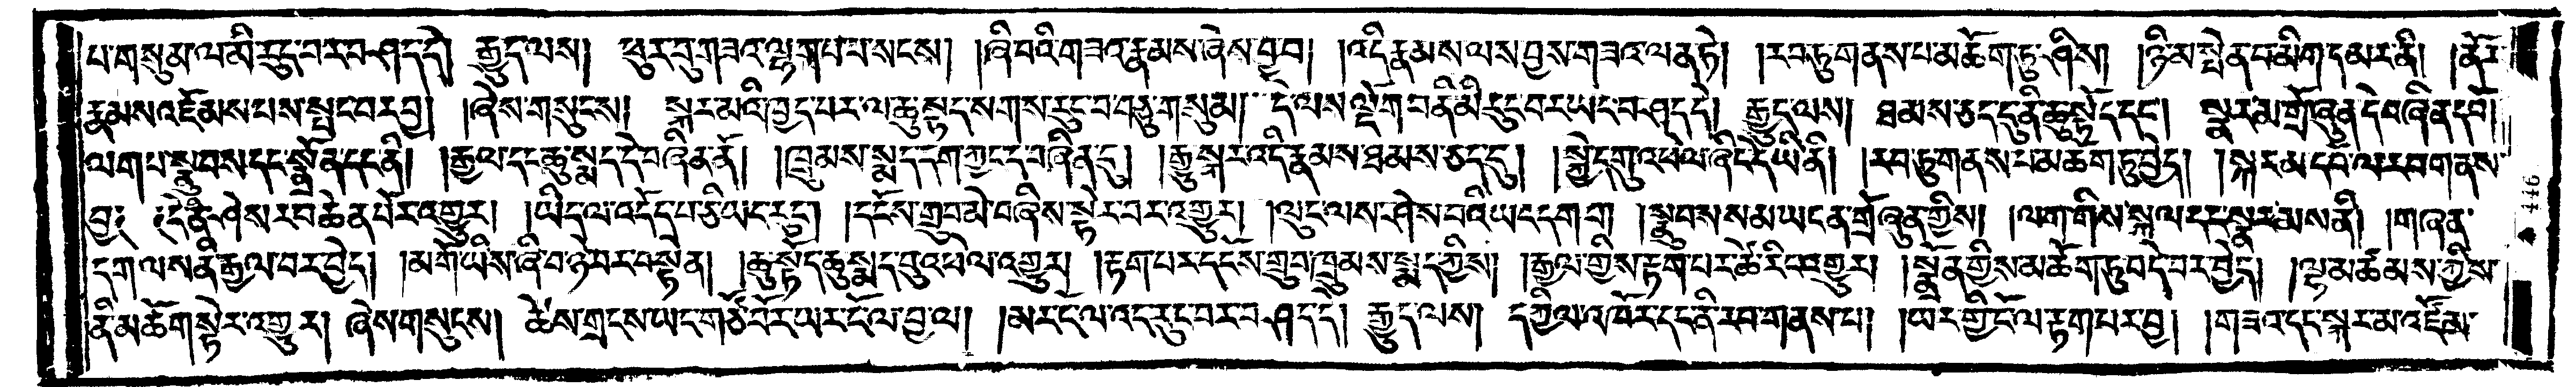པ་གསུམ་ལ་མི་རུང་བར་བཤད་དེ། རྒྱུད་ལས། ཕུར་བུ་གཟའ་ལྷག་པ་བ་སངས། །ཞི་བའི་གཟའ་རྣམས་ཞེས་བྱ་བ། །འདི་རྣམས་ལས་བྱས་གཟའ་ལན་ཏེ། །རབ་ཏུ་གནས་པ་མཆོག་ཏུ་ཤིས། །ཉི་མ་སྤེན་པ་མིག་དམར་ནི། །ནོར་
རྣམས་འཇོམས་པས་སྤང་བར་བྱ། །ཞེས་གསུངས། སྐར་མའི་ཁྱད་པར་ལ་ཆུ་སྟད་སགས་རུང་བ་བཅུ་གསུམ། དེ་ལས་ལྡོག་པ་ནི་མི་རུང་བར་ཡང་བཤད་དེ། རྒྱུད་ལས། ཐམས་ཅད་དུ་ནི་ཆུ་སྟོད་དང་། སྣར་མགྲོ་ཞུན་དེ་བཞིན་དབོ།
ལག་པ་སྣུབས་དང་སྣྲོན་དང་ནི། །རྒྱལ་དང་ཆུ་སྨད་དེ་བཞིན་ནོ། །ཁྲུམས་སྨད་དག་ཀྱང་ད་བཞིན་དུ། །རྒྱུ་སྐར་འདི་རྣམས་ཐམས་ཅད་དུ། །སྐྱེ་དགུ་འཕེལ་ཞིང་དེ་ཡི་ནི། །རབ་ཏུ་གནས་པ་མཆོག་ཏུ་བྱེད། །སྐར་མ་དབོ་ལ་རབ་གནས་
བྱ། །དེ་ན་ཤེས་རབ་ཆེན་པོར་འགྱུར། །ཡིད་ལ་འདོད་པ་ཅི་ཡང་རུང་། །དངོས་གྲུབ་མེ་བཞིས་སྟེར་བར་འགྱུར། །ལུང་ལས་ཤེས་པའི་ཡང་དག་པ། །སྣུབས་སམ་ཡང་ན་གྲོ་ཞུན་གྱིས། །ལག་གིས་སྐལ་དང་སྣར་མས་ནི། །གཞན་
དག་ལས་ནི་རྒྱལ་བར་བྱེད། །མགོ་ཡིས་ཞི་བ་ཉེ་བར་བསྟན། །ཆུ་སྟོད་ཆུ་སྨད་བུ་འཕེལ་འགྱུར། །རྟག་པར་དངོས་གྲུབ་ཁྲུམས་སྨད་ཀྱིས། །རྒྱལ་གྱིས་རྟག་པར་ཚེ་རིང་འགྱུར། །སྣོན་གྱིས་མཆོག་ཏུ་བདེ་བར་བྱེད། །ལྷ་མཚམས་ཀྱིས་
ནི་མཆོག་སྟེར་འགྱུར། ཞེས་གསུངས། ཚེས་གྲངས་ཡང་གཙོ་བོར་ཡར་ངོ་ལ་བྱ་ལ། །མར་ངོ་ལ་འང་རུང་བར་བཤད་དེ། རྒྱུད་ལས། དཀྱིལ་འཁོར་དང་ནི་རབ་གནས་པ། །ཡར་གྱི་ངོ་ལ་རྟག་པར་བྱ། །གཟའ་དང་སྐར་མ་འཛོམ་